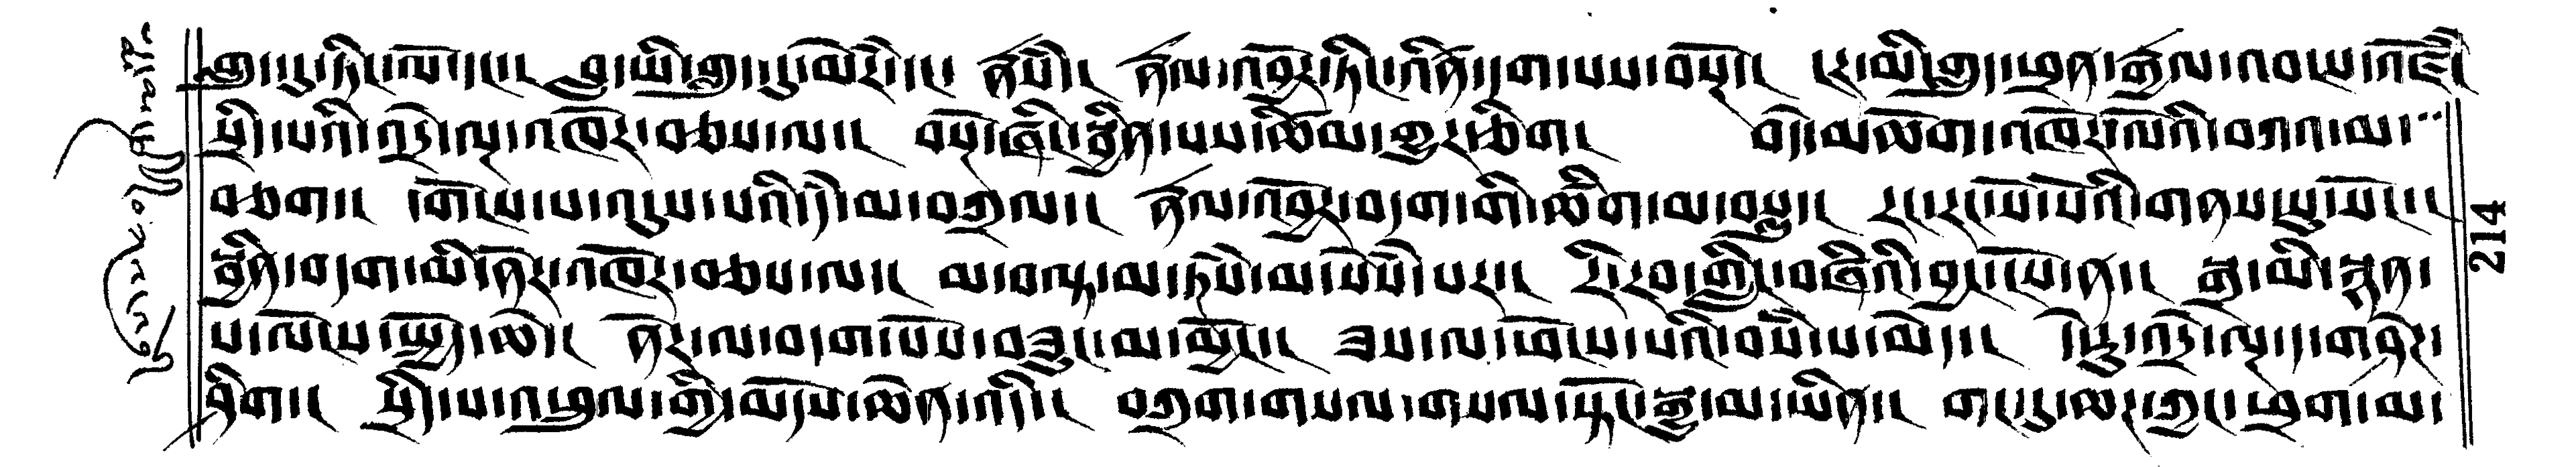གླུད་དུ་ཏིང་ལོ་དང་། །བླ་ཡི་གླུད་དུ་མར་མེ་རྣམས། །རྣལ་འབྱོར་ཏིང་འཛིན་དག་པས་བསྔོ། །ངར་མི་གླུད་ཕྲན་རྒྱལ་འབངས་འཛོམ། །
སྲིད་པའི་འདྲེ་ལྔ་འཁོར་བཅས་ལ། །བསྔོ་ཞིང་སྦྱིན་པས་ཚིམ་གྱུར་ཅིག །བདེ་མཆོག་འཁོར་ལོའི་བཀའ་མ་
བཅག །དགོངས་པ་འདུས་པའི་དམ་མ་བཀྲལ། །རྣལ་འབྱོར་བདག་གི་ཚིག་མ་བསླུ། །རང་རང་སོ་སོའི་གནས་སུ་སོང་། །
སྦྱིན་བདག་མི་ནོར་འཁོར་བཅས་ལ། །མ་བལྟ་མ་རྔམས་མ་སེམས་པར། །རི་རབ་གླིང་བཞིའི་བྱང་ངོས་ན། །སྒྲ་མི་སྙན་
པ་ལོངས་སྤྱོད་ཆེ། །ནོར་ལ་བདག་པོས་བཟུང་མ་མྱོང་། །ཟས་ལ་ཕོངས་པའི་བསམ་པ་མེད། །དེ་རུ་འདྲེ་ལྔ་ད་གཤེགས་
ཤིག །སྲིད་པ་འཕྲུལ་གྱི་མདོས་ཆེན་འདི། །བཀྲག་གསལ་གསལ་སྟོང་སྒྱུ་མ་ཡིན། །གང་དུ་ཆག་ཀྱང་ཕྲག་མ་